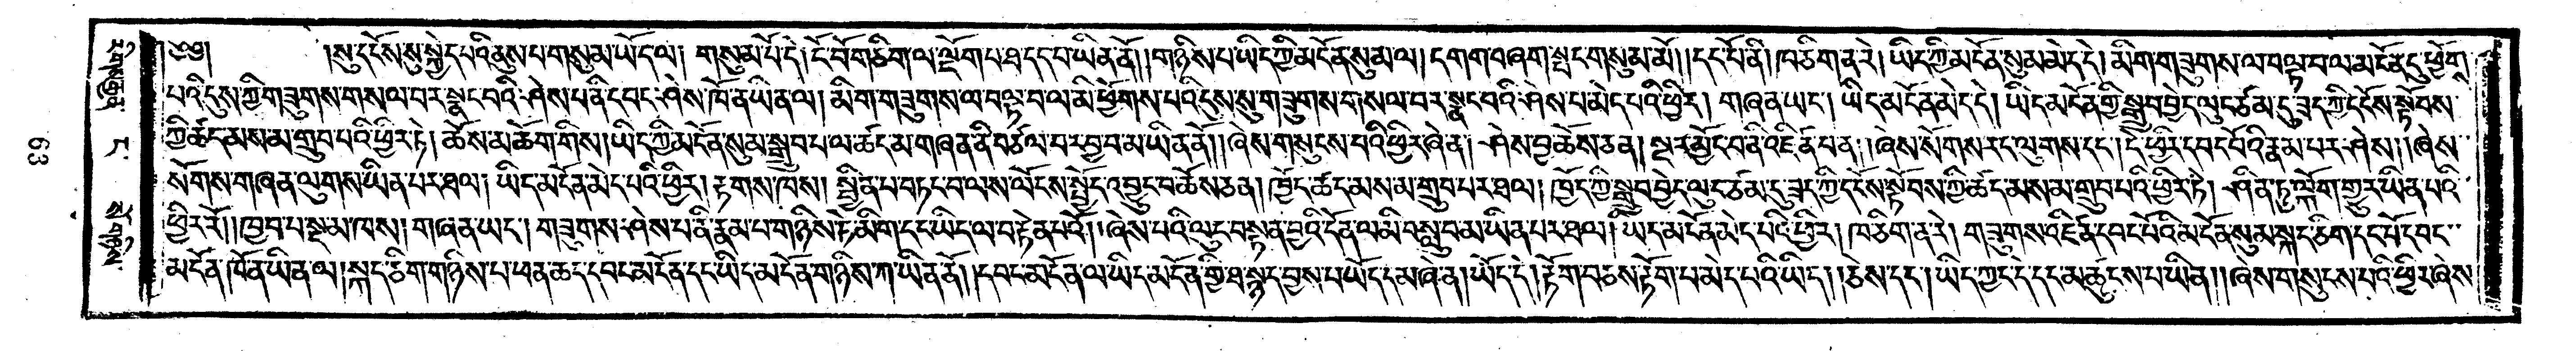༄༅། །སུ་དངོས་སུ་སྐྱེད་པའི་ནུས་པ་གསུམ་ཡོད་ལ། གསུམ་པོ་དེ། ངོ་བོ་གཅིག་ལ་ལྡོག་པ་ཐ་དད་པ་ཡིན་ནོ། །གཉིས་པ་ཡིད་ཀྱི་མངོན་སུམ་ལ། དགག་བཞག་སྤང་གསུམ་མོ། །དང་པོ་ནི། ཁ་ཅིག་ན་རེ། ཡིད་ཀྱི་མངོན་སུམ་མེད་དེ། མིག་གཟུགས་ལ་བལྟ་བ་ལ་མངོན་དུ་ཕྱོགས་
པའི་དུས་ཀྱི་གཟུགས་གསལ་བར་སྣང་བའི་ཤེས་པ་ནི་དབང་ཤེས་ཁོ་ན་ཡིན་ལ། མིག་གཟུགས་ལ་བལྟ་བ་ལ་མི་ཕྱོགས་པའི་དུས་སུ་གཟུགས་གསལ་བར་སྣང་བའི་ཤེས་པ་མེད་པའི་ཕྱིར། གཞན་ཡང་། ཡིད་མངོན་མེད་དེ། ཡིད་མངོན་གྱི་སྒྲུབ་བྱེད་ལུང་ཙམ་དུ་ཟད་ཀྱི་དངོས་སྟོབས་
ཀྱི་ཚད་མས་མ་གྲུབ་པའི་ཕྱིར་ཏེ། ཆོས་མཆོག་གིས། ཡིད་ཀྱི་མངོན་སུམ་སྒྲུབ་པ་ལ་ཚད་མ་གཞན་ནི་བཙལ་བར་བྱ་བ་མ་ཡིན་ནོ། །ཞེས་གསུངས་པའི་ཕྱིར་ཞེ་ན། ཤེས་བྱ་ཆོས་ཅན། སྔར་མྱོང་བ་ནི་འཛིན་པ་ན། །ཞེས་སོགས་རང་ལུགས་དང་། དེ་ཕྱིར་དབང་པོའི་རྣམ་པར་ཤེས། །ཞེས་
སོགས་གཞན་ལུགས་ཡིན་པར་ཐལ། ཡིད་མངོན་མེད་པའི་ཕྱིར། རྟགས་ཁས། སྦྱིན་པ་བཏང་བ་ལས་ལོངས་སྤྱོད་འབྱུང་བ་ཆོས་ཅན། ཁྱོད་ཚད་མས་མ་གྲུབ་པར་ཐལ། ཁྱོད་ཀྱི་སྒྲུབ་བྱེད་ལུང་ཙམ་དུ་ཟད་ཀྱི་དངོས་སྟོབས་ཀྱི་ཚད་མས་མ་གྲུབ་པའི་ཕྱིར་ཏེ། ཤིན་ཏུ་ལྐོག་གྱུར་ཡིན་པའི་
ཕྱིར་རོ། །ཁྱབ་པ་སྔ་མ་ཁས། གཞན་ཡང་། གཟུགས་ཤེས་པ་ནི་རྣམ་པ་གཉིས་ཏེ་མིག་དང་ཡིད་ལ་བརྟེན་པའོ། །ཞེས་པའི་ལུང་བསྟན་བྱའི་དོན་ལ་མི་བསླུ་བ་མ་ཡིན་པར་ཐལ། ཡིད་མངོན་མེད་པའི་ཕྱིར། ཁ་ཅིག་ན་རེ། གཟུགས་འཛིན་དབང་པོའི་མངོན་སུམ་སྐད་ཅིག་དང་པོ་དབང་
མངོན་ཁོ་ན་ཡིན་ལ། སྐད་ཅིག་གཉིས་པ་ཕན་ཆད་དབང་མངོན་དང་ཡིད་མངོན་གཉིས་ཀ་ཡིན་ནོ། །དབང་མངོན་ལ་ཡིད་མངོན་གྱི་ཐ་སྙད་བྱས་པ་ཡོད་དམ་ཞེ་ན། ཡོད་དེ། རྟོག་བཅས་རྟོག་པ་མེད་པའི་ཡིད། །ཅེས་དང་། ཡིད་ཀྱང་དེ་དང་མཚུངས་པ་ཡིན། །ཞེས་གསུངས་པའི་ཕྱིར་ཞེས་